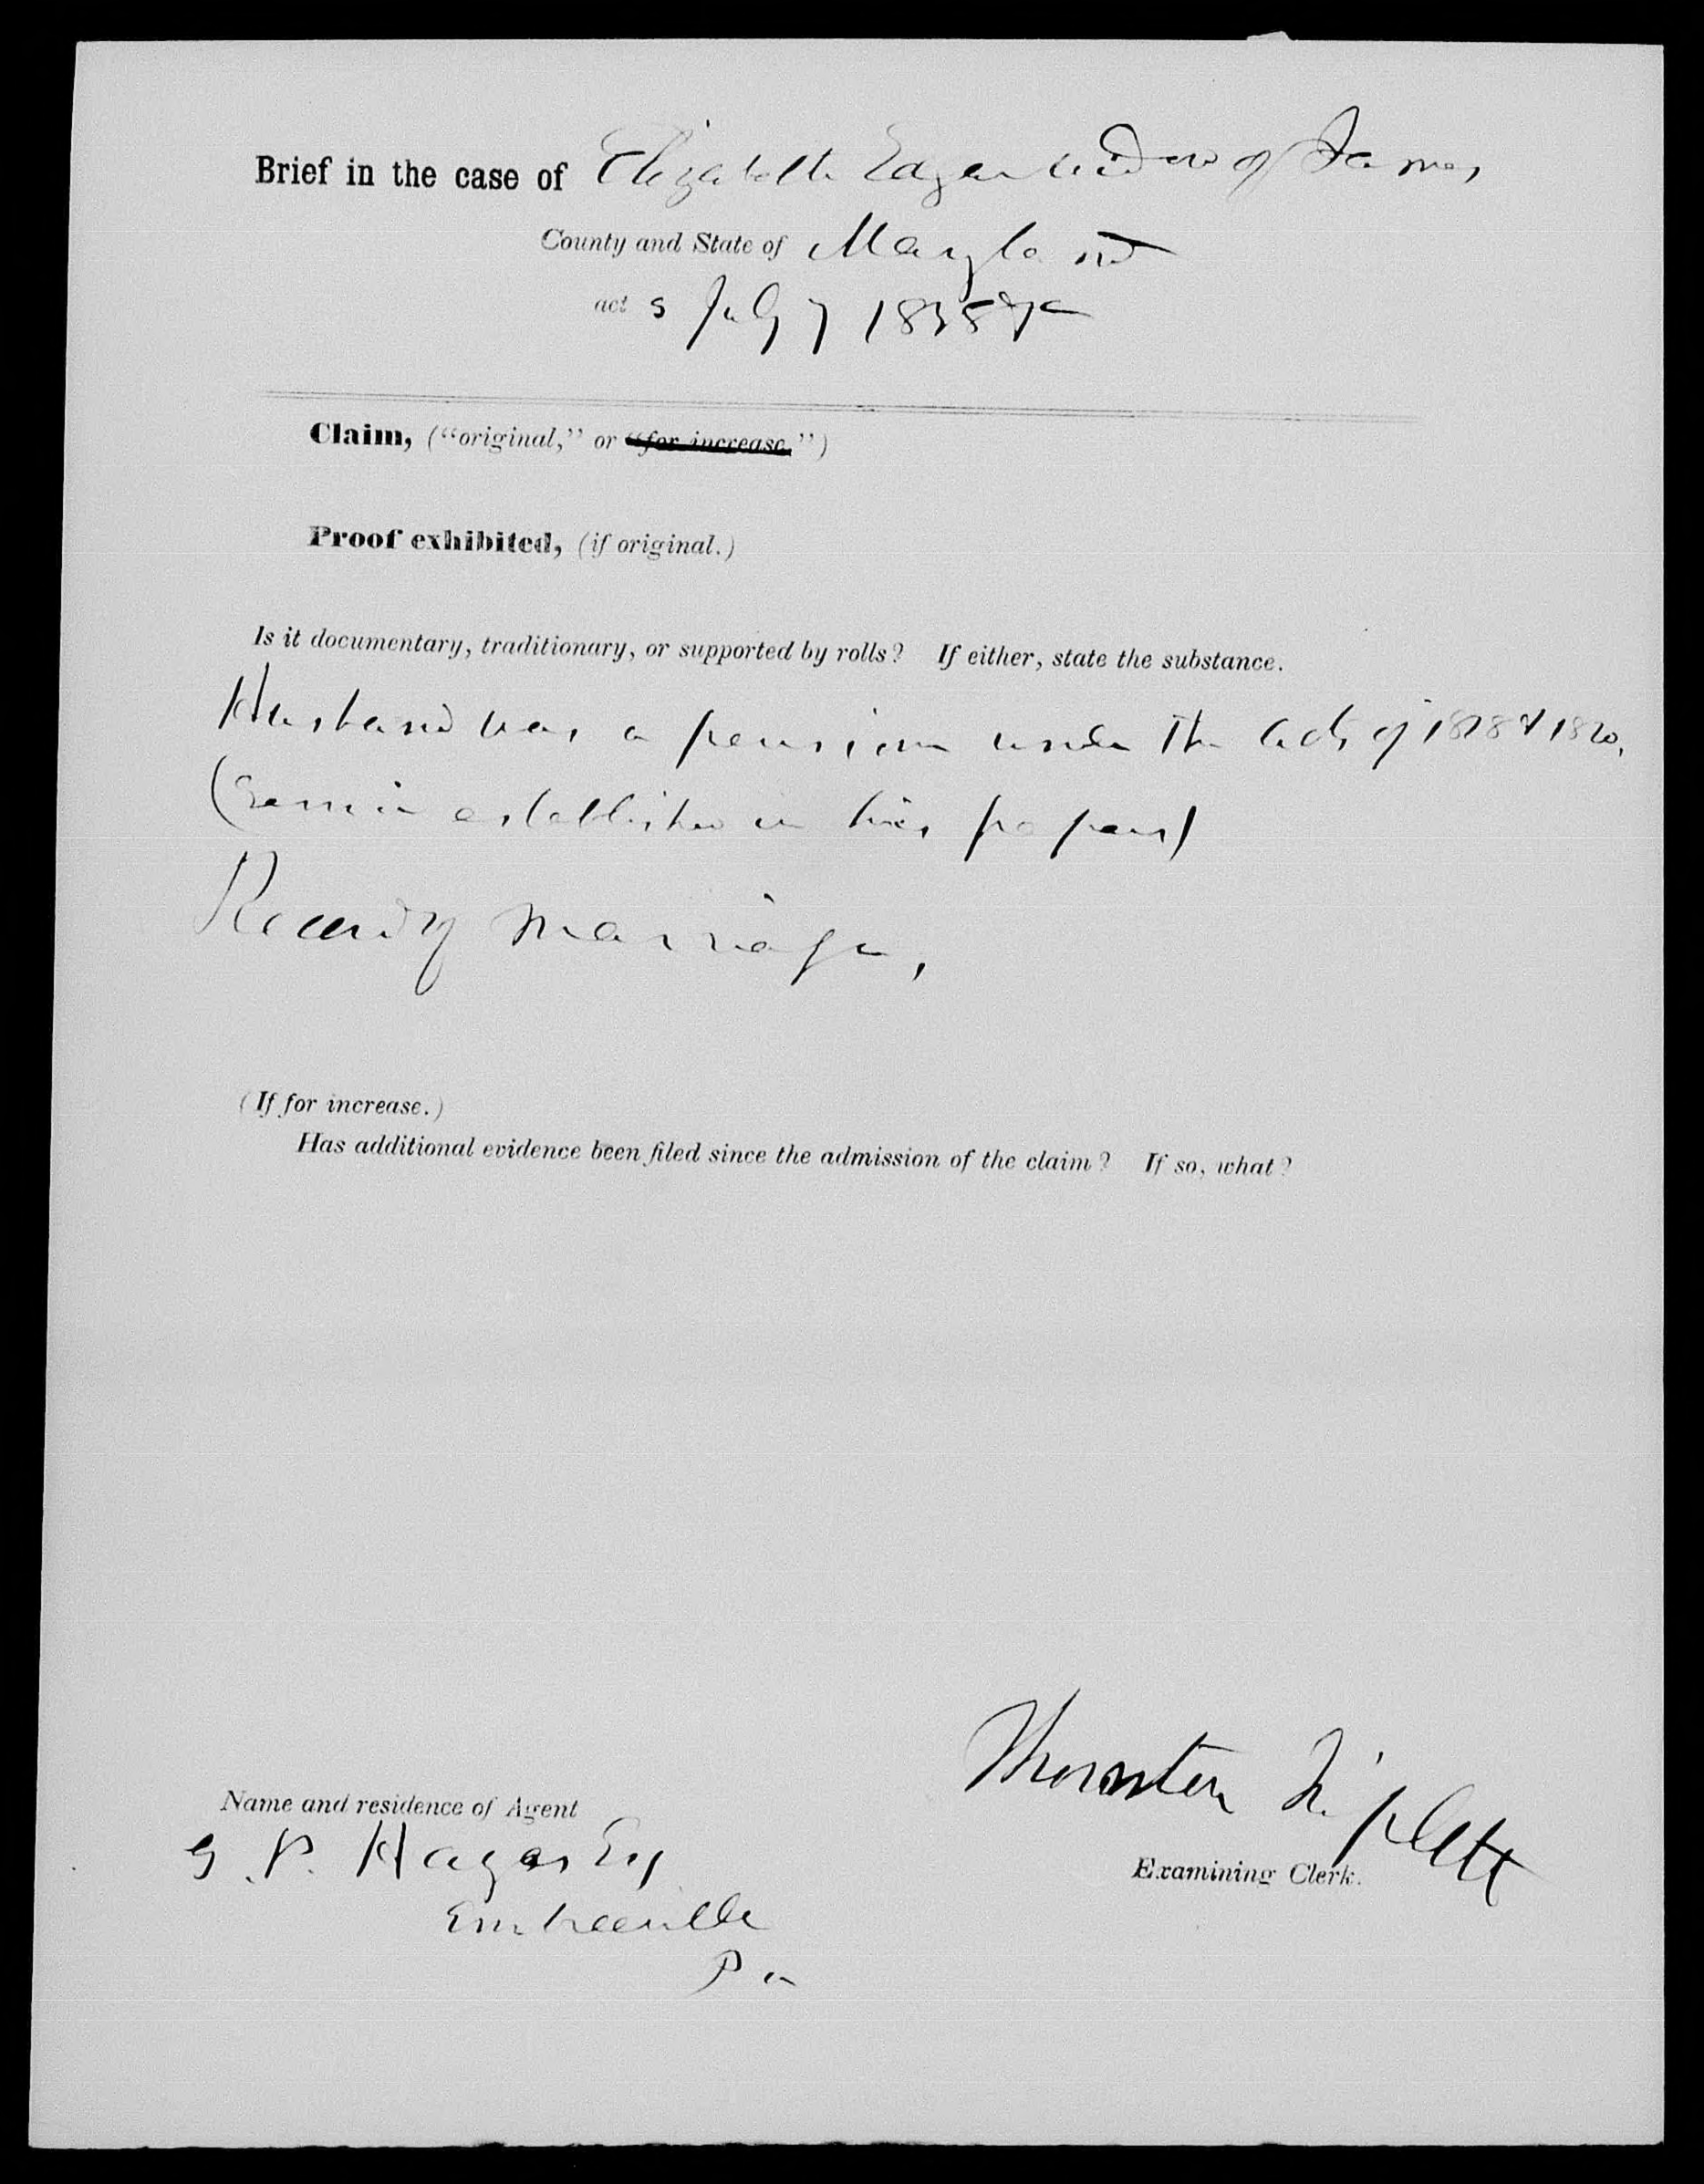Brief in the case of Elizabeth Edger widow of James
County and State of Maryland
act 5 July 1838

Claim, "original, or for increase)
Proof exhibited, (if original.)
Its it documentary, traditionary, or supported by that the rolls?  If either, state the substance.
Husband was a pensioner  unto the Act of 1852  & 1840
(services established in his papers)
Record marriage

(If for increase.)
Has additional evidence been filed since the admission of the claim. If so, what
Name and residence of Agent
G. P. Hagar Esq
Embreeville Pa
-
Thornton Triplett
Examining Clerk.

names: James Edgar, Thornton Triplett, G P Hayes, Elizabeth Edgar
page: 50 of 74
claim: widow's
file: W. 9422, James Edgar, Penn.